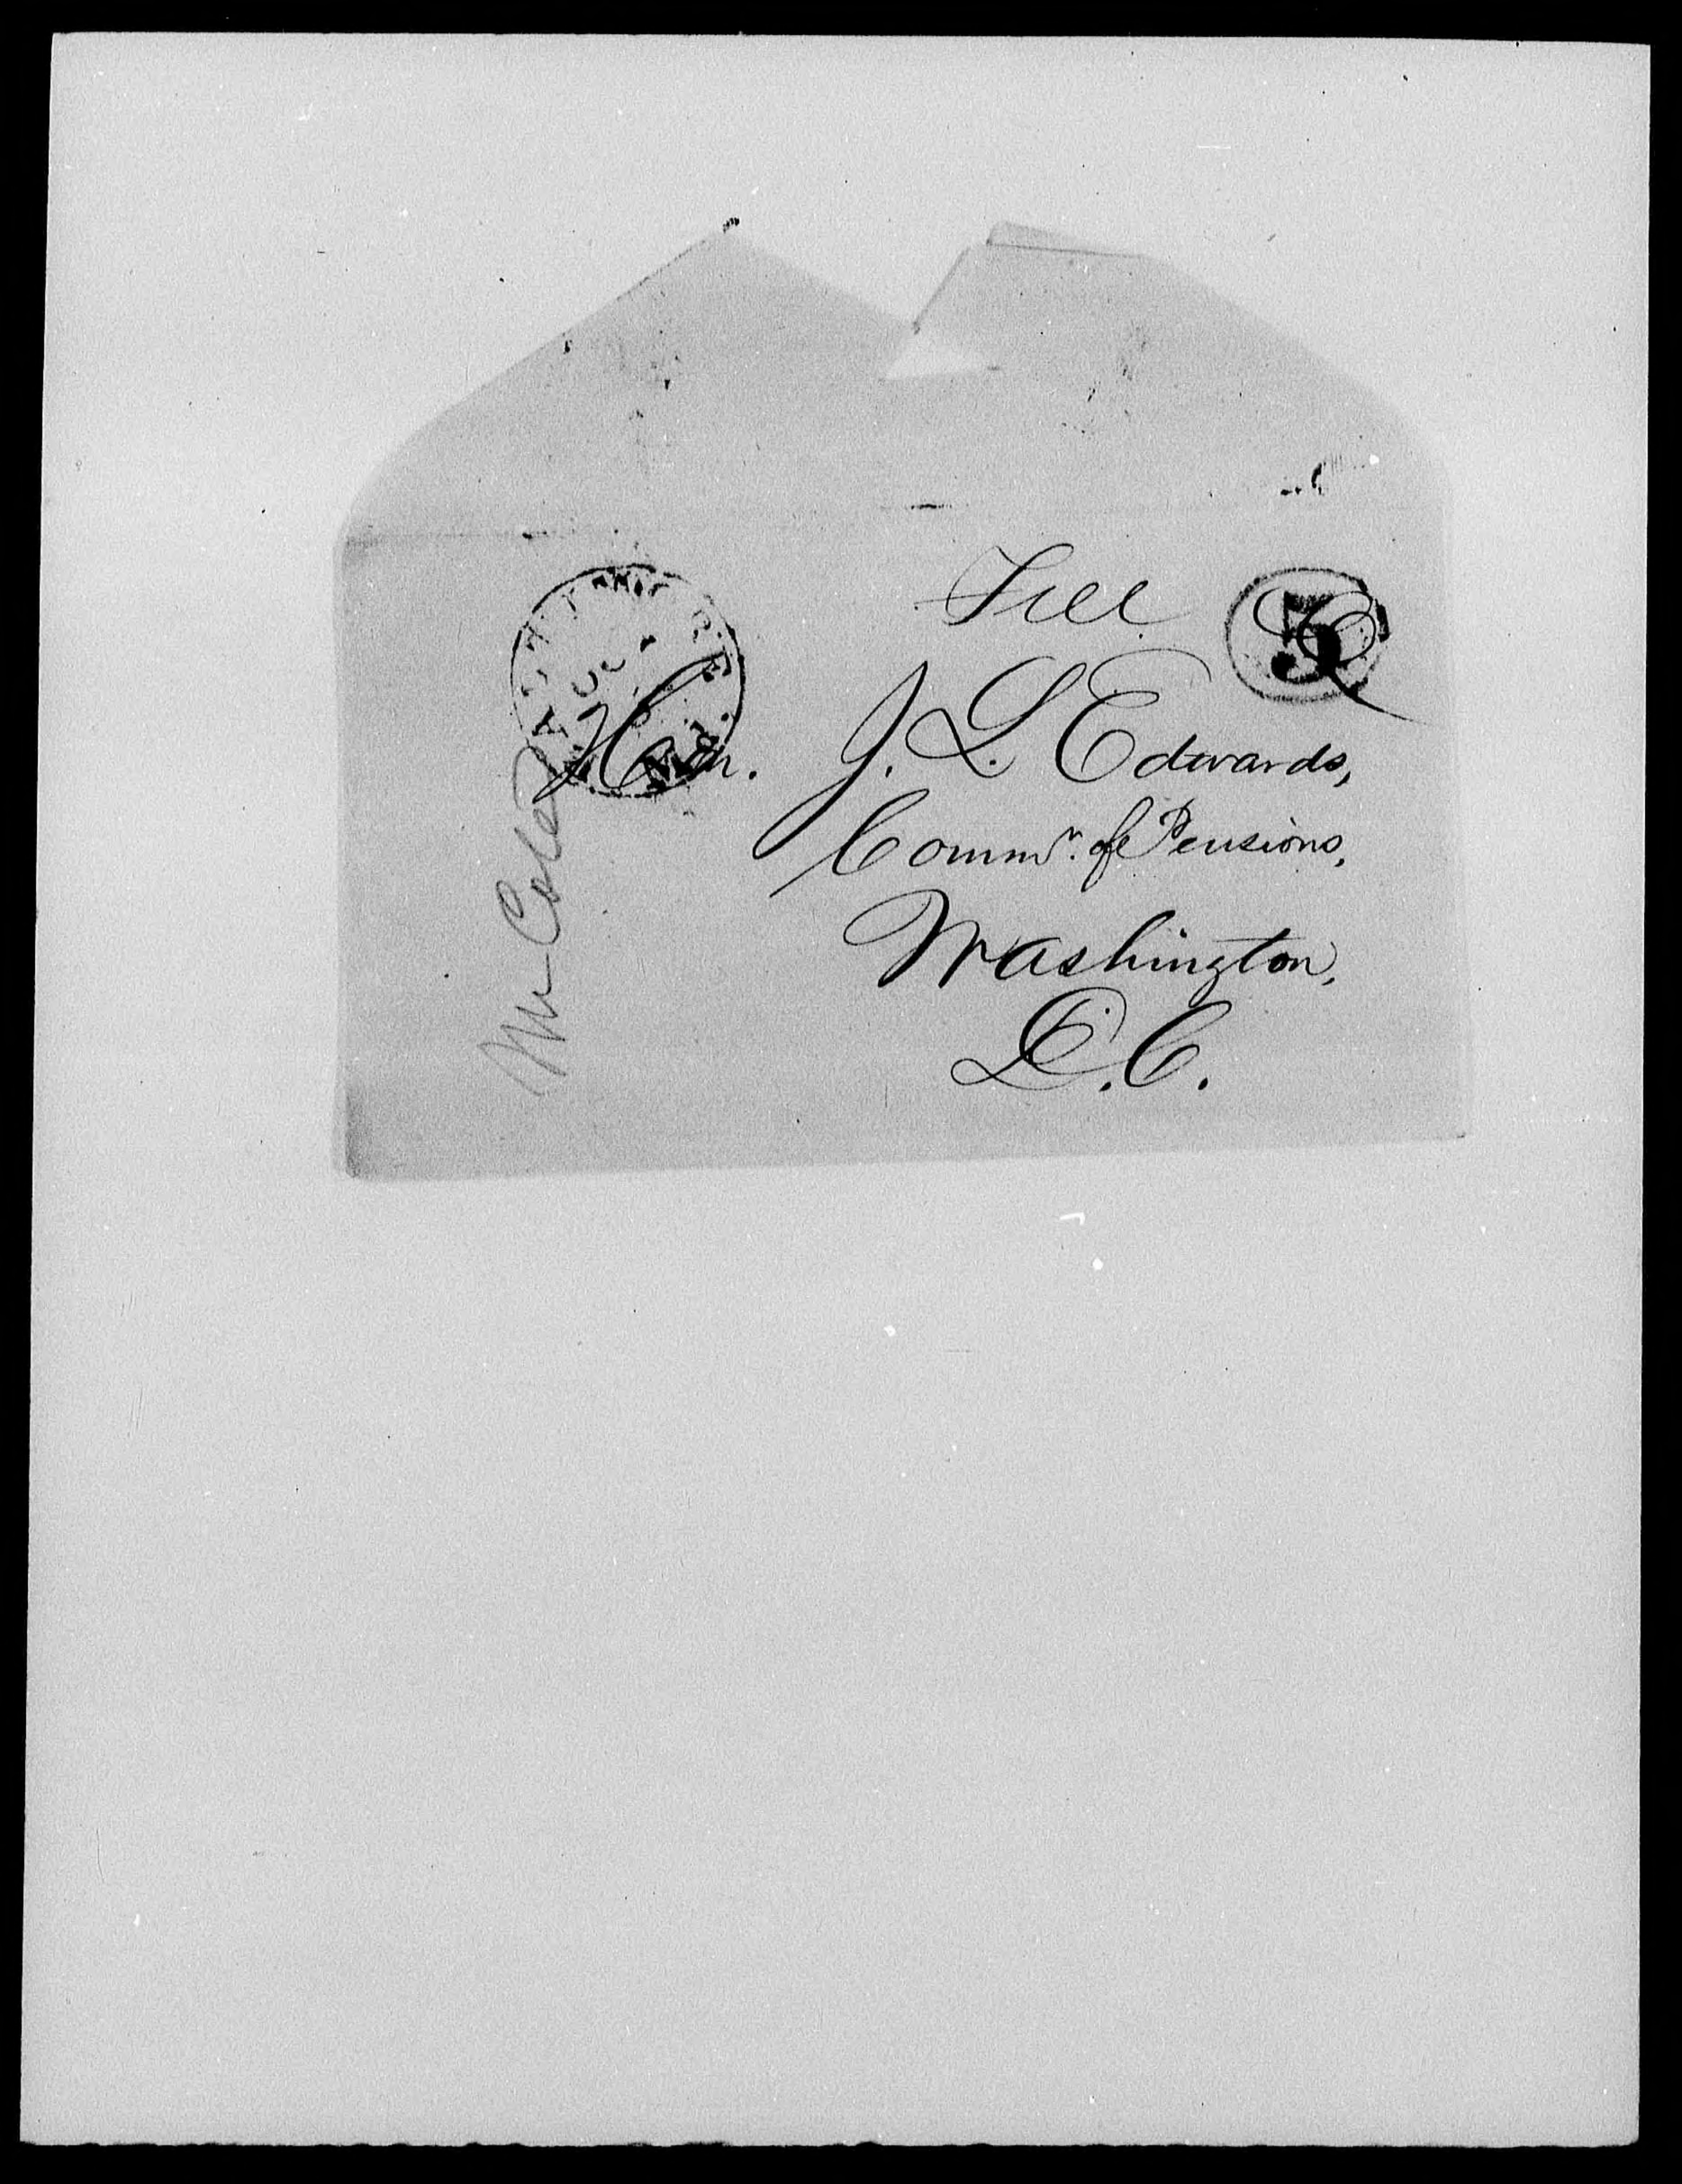[left side]
Mr. Cole 

[stamp]
BALTIMORE Md OCT

Free
J.L.Edwards
Comm. of Pensions,
Washington
D.C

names: Cole, J L Edwards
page: 11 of 26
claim: widow's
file: W 25651, Robert Cross, Md.